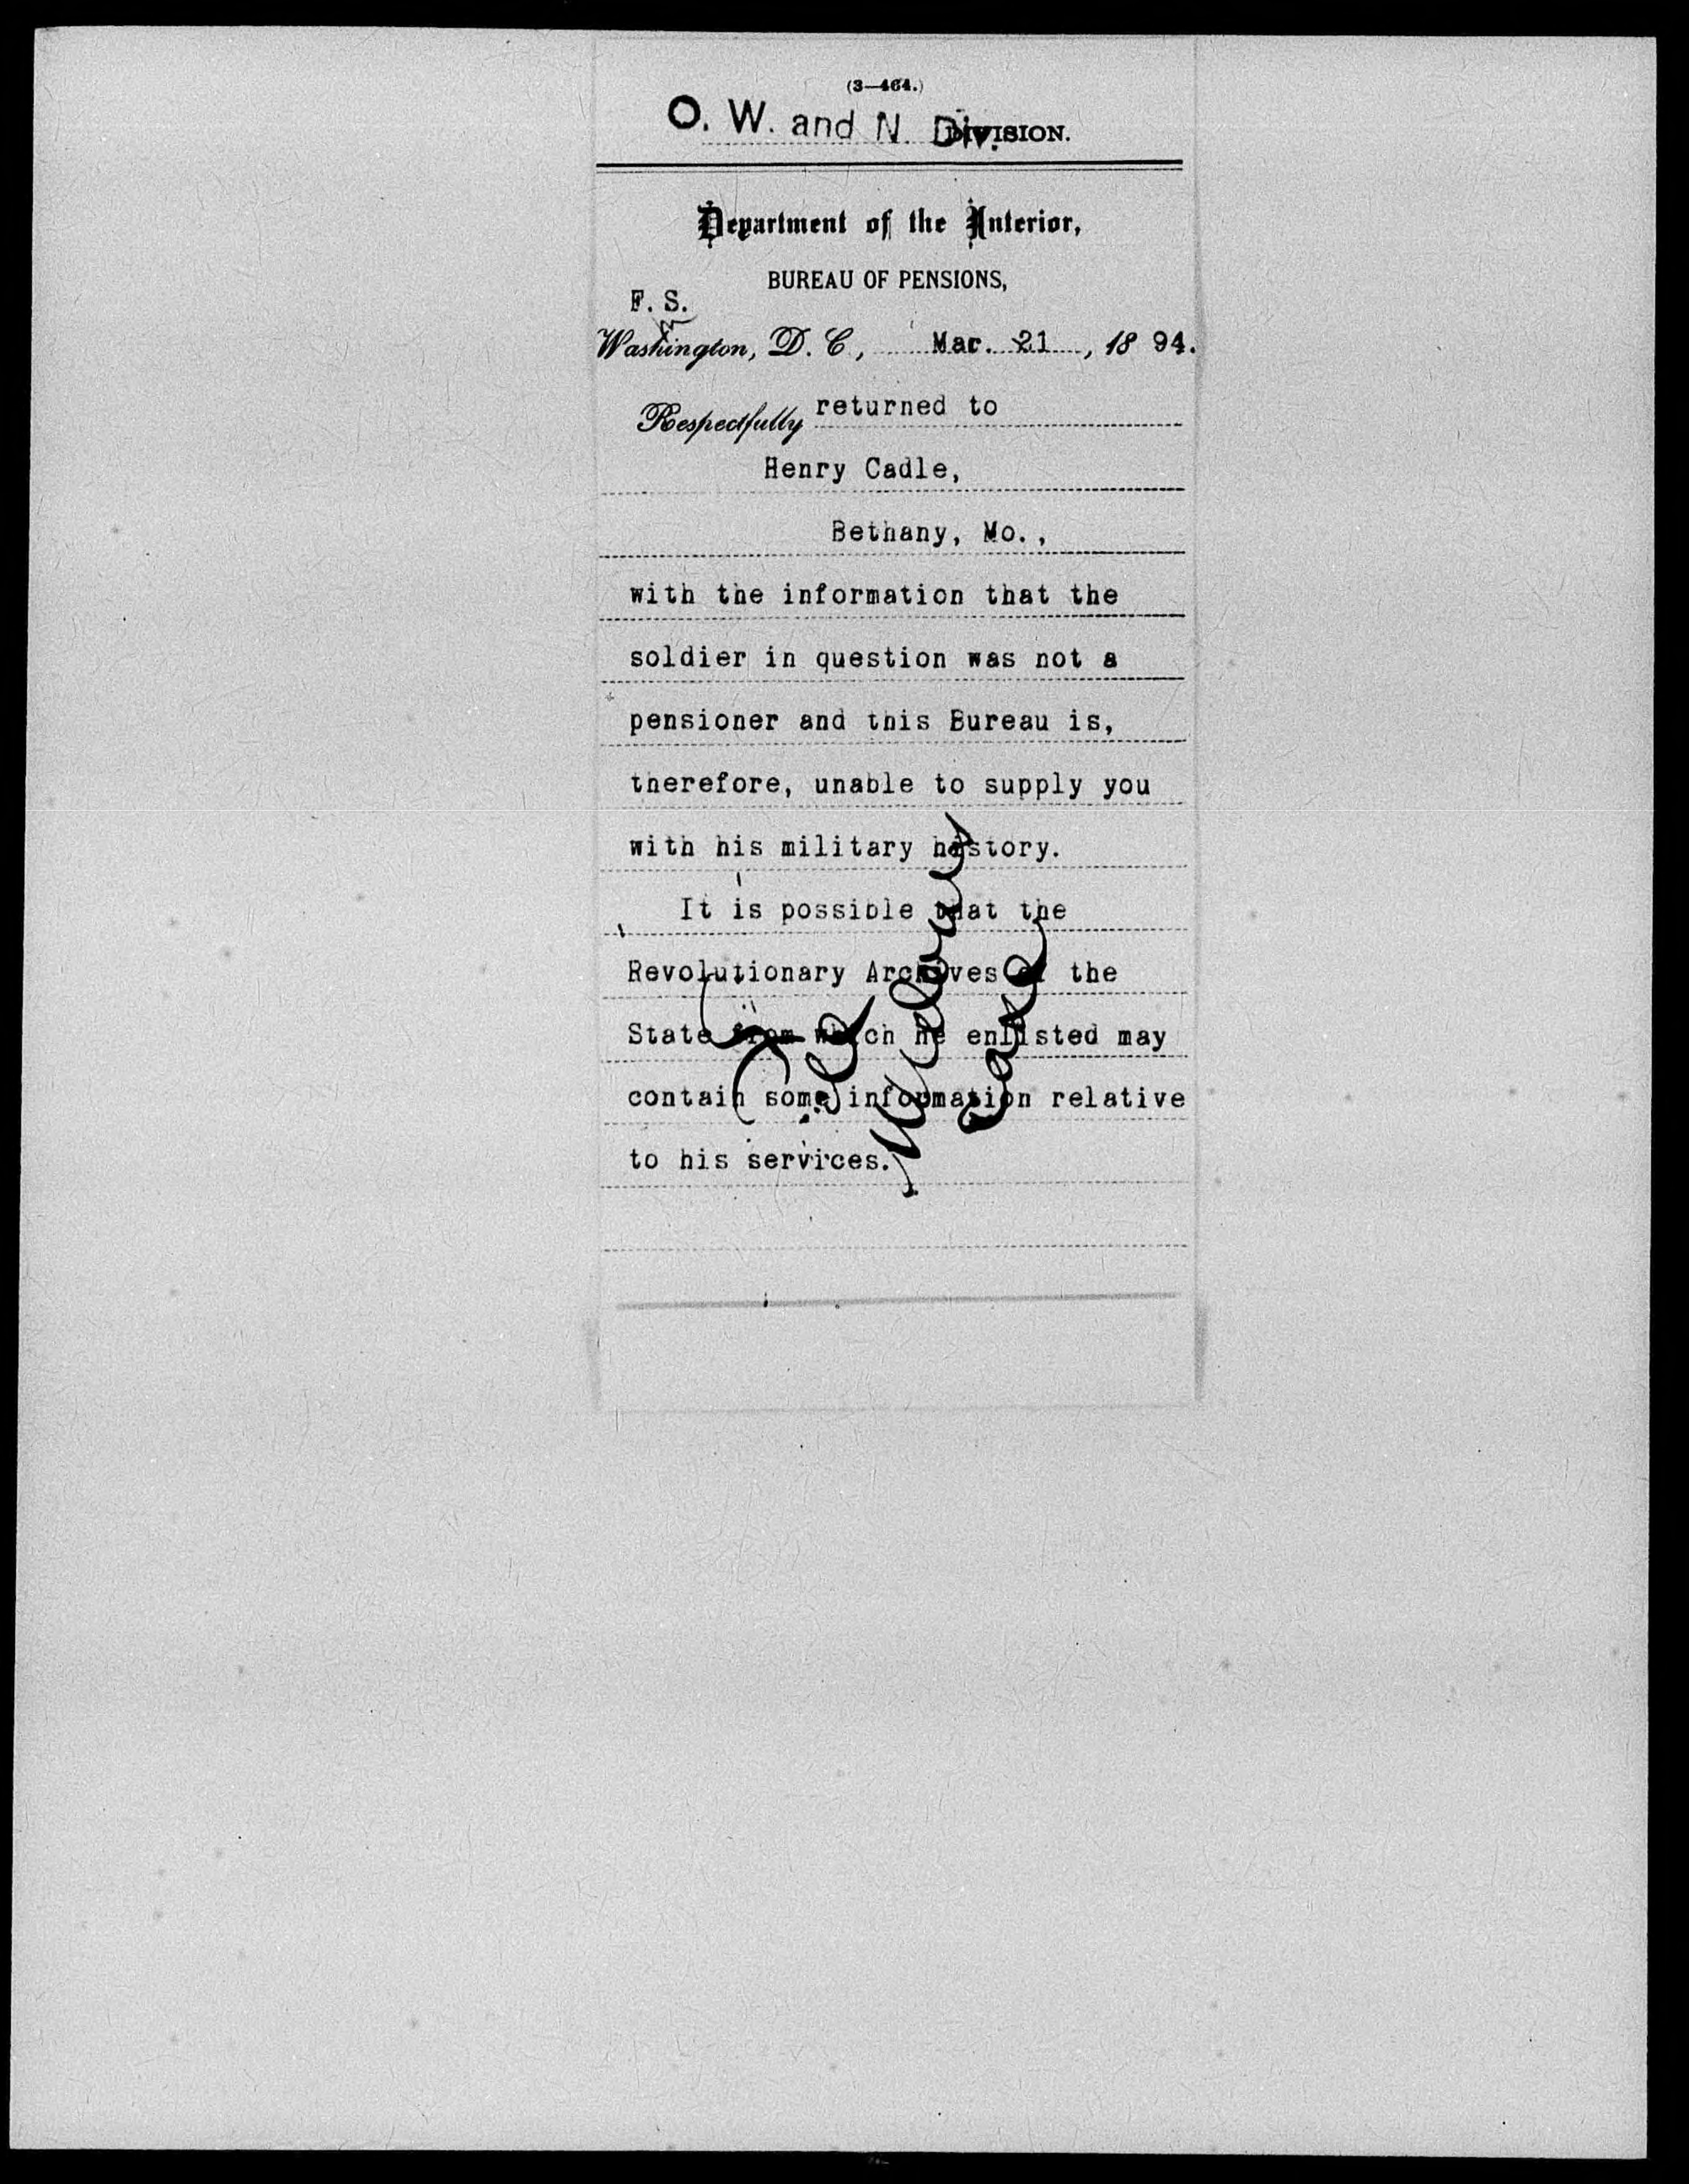( 3 -- 464. )
O. W. and N. DISION.
Department of the Interior,
BUREAU OF PENSIONS. F. S.
Washington, D.C. Mar. 21, 1894.
Respectfully returned to
Henry Cadle,
Bethany, Mo. with the information that the
soldier in question was not a pensioner and this Bureau is therefore, unable to supply you
with his military history.
It is possible that the Revolutionary Archives of the State in which he enlisted may contain some information relative to his services.

[illegible] Widows case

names: Henry Cadle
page: 43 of 53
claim: widow's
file: W. 492, for Daniel Lamprey, New Hampshire